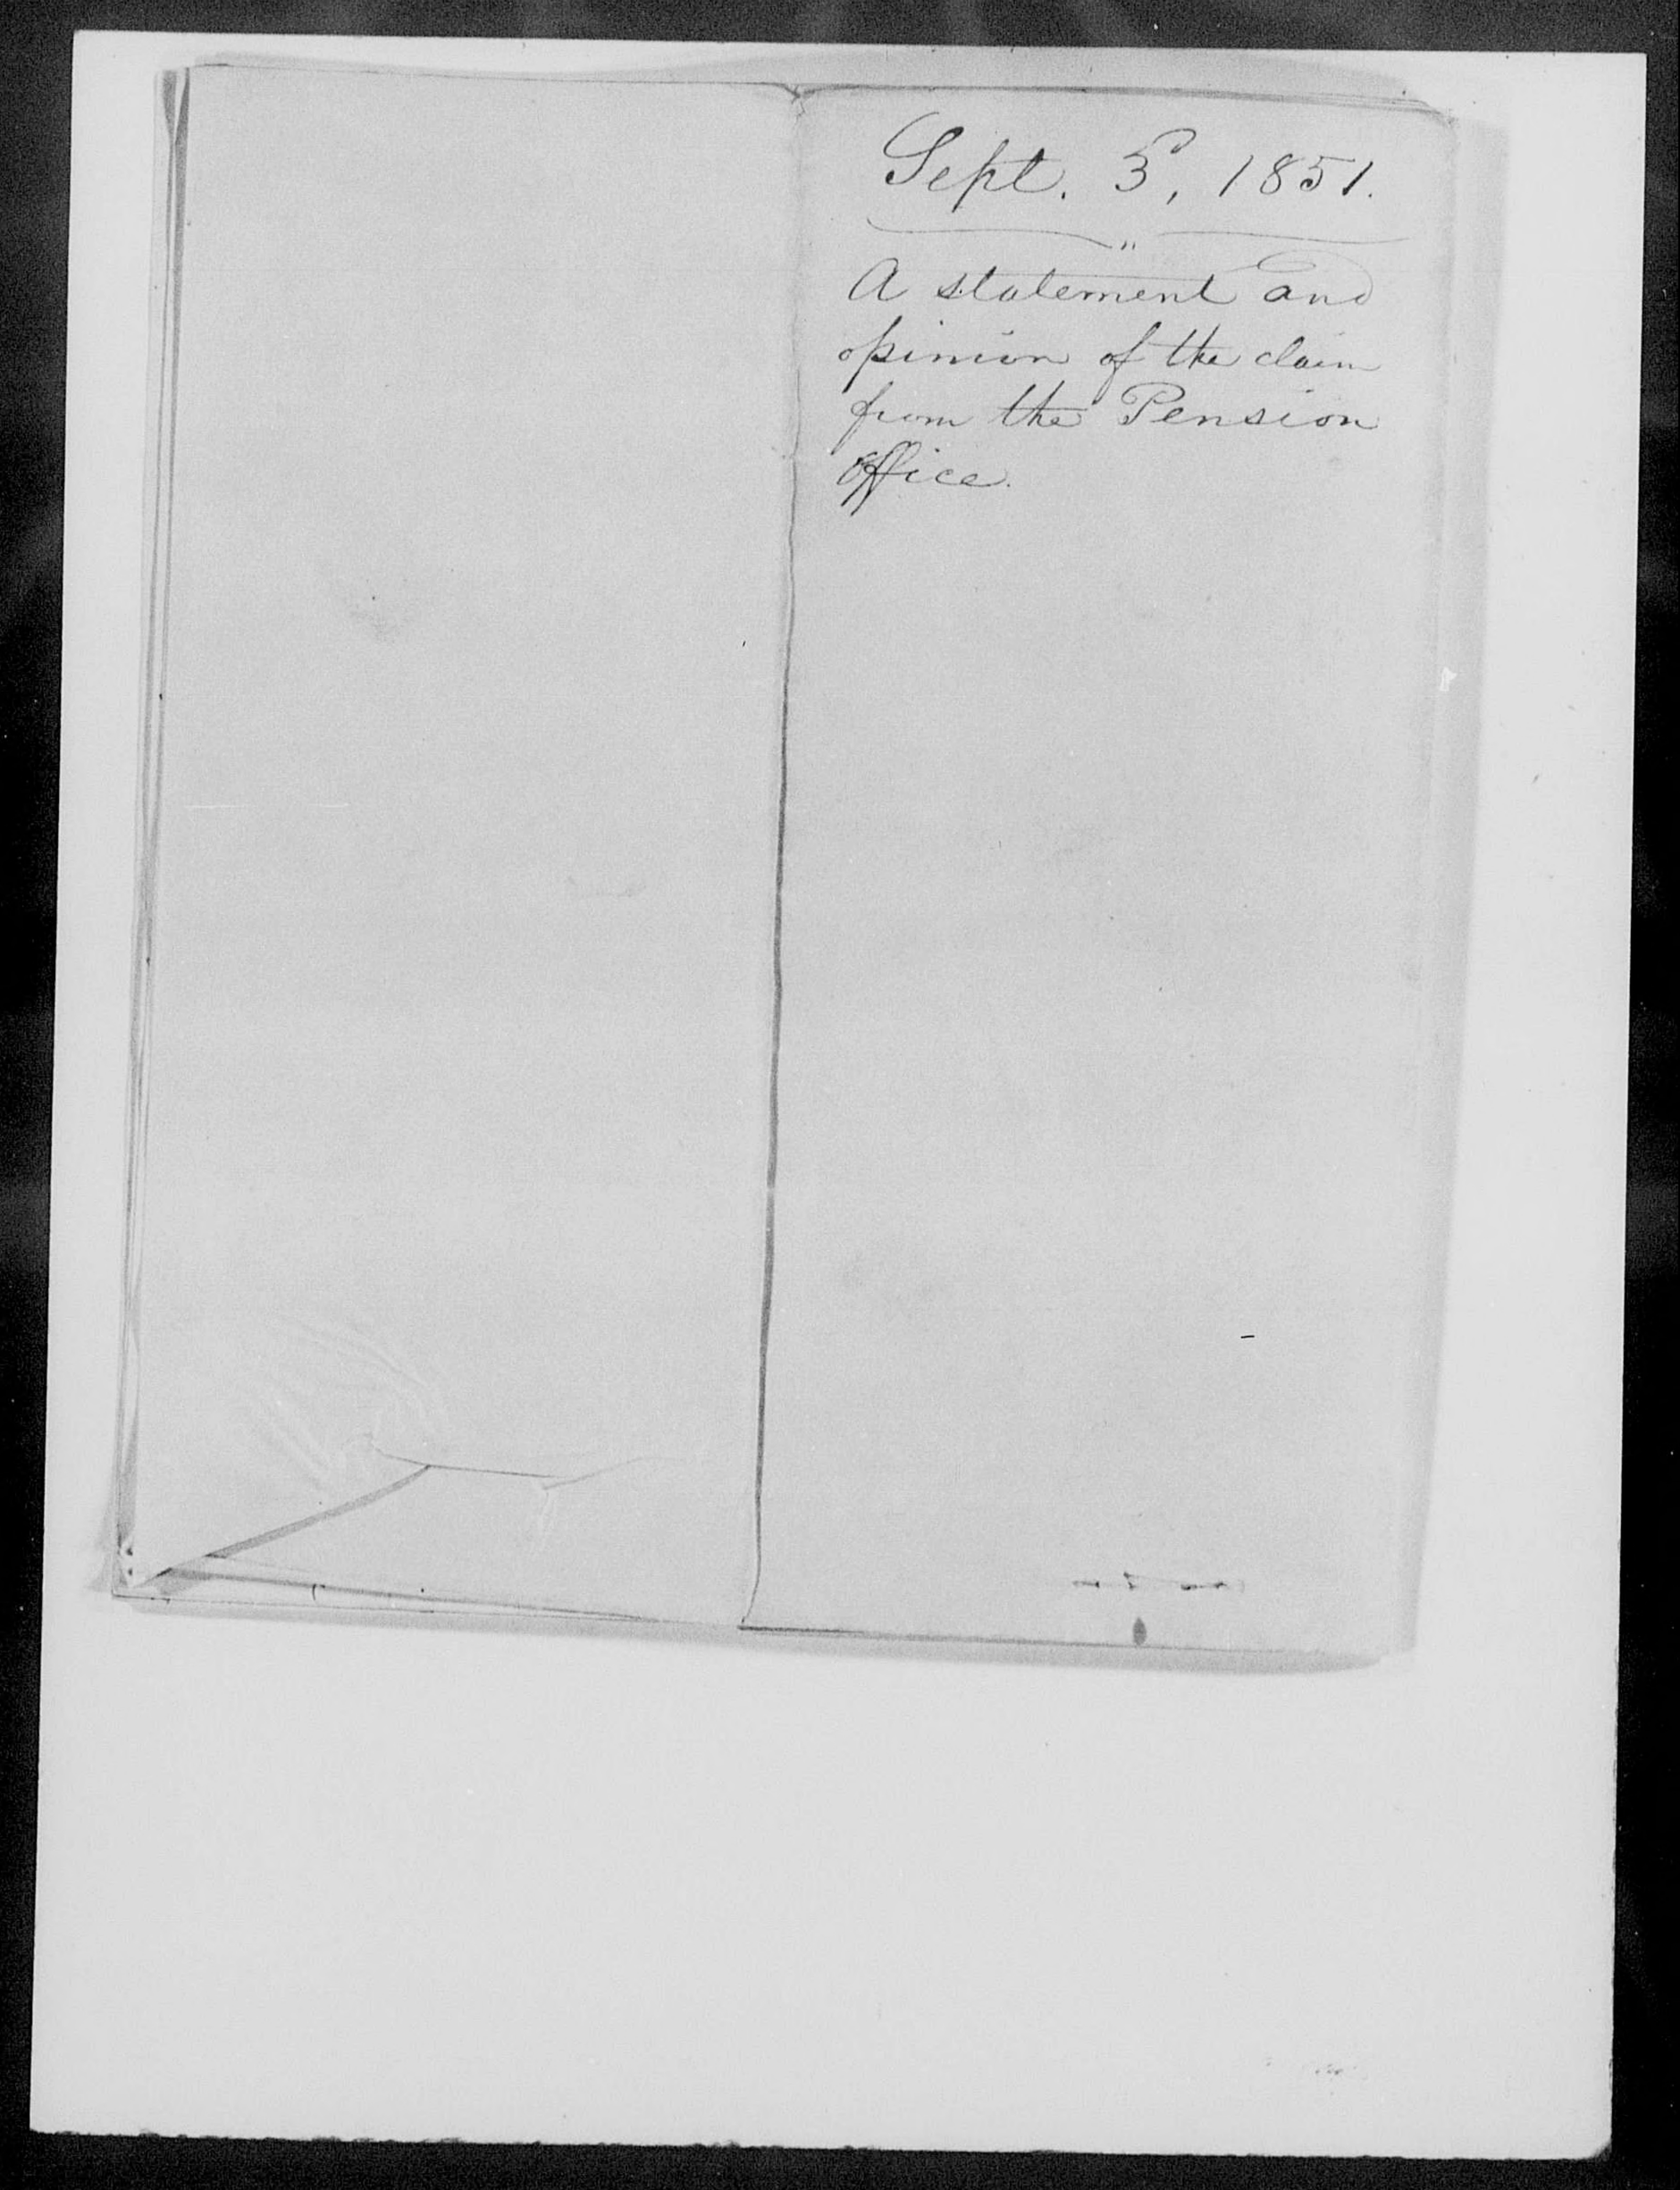Sept. 3rd, 1851

A statement and opinion of the claim from the Pension Office.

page: 79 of 267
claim: widow's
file: W. 4,149, William Campbell, Va.